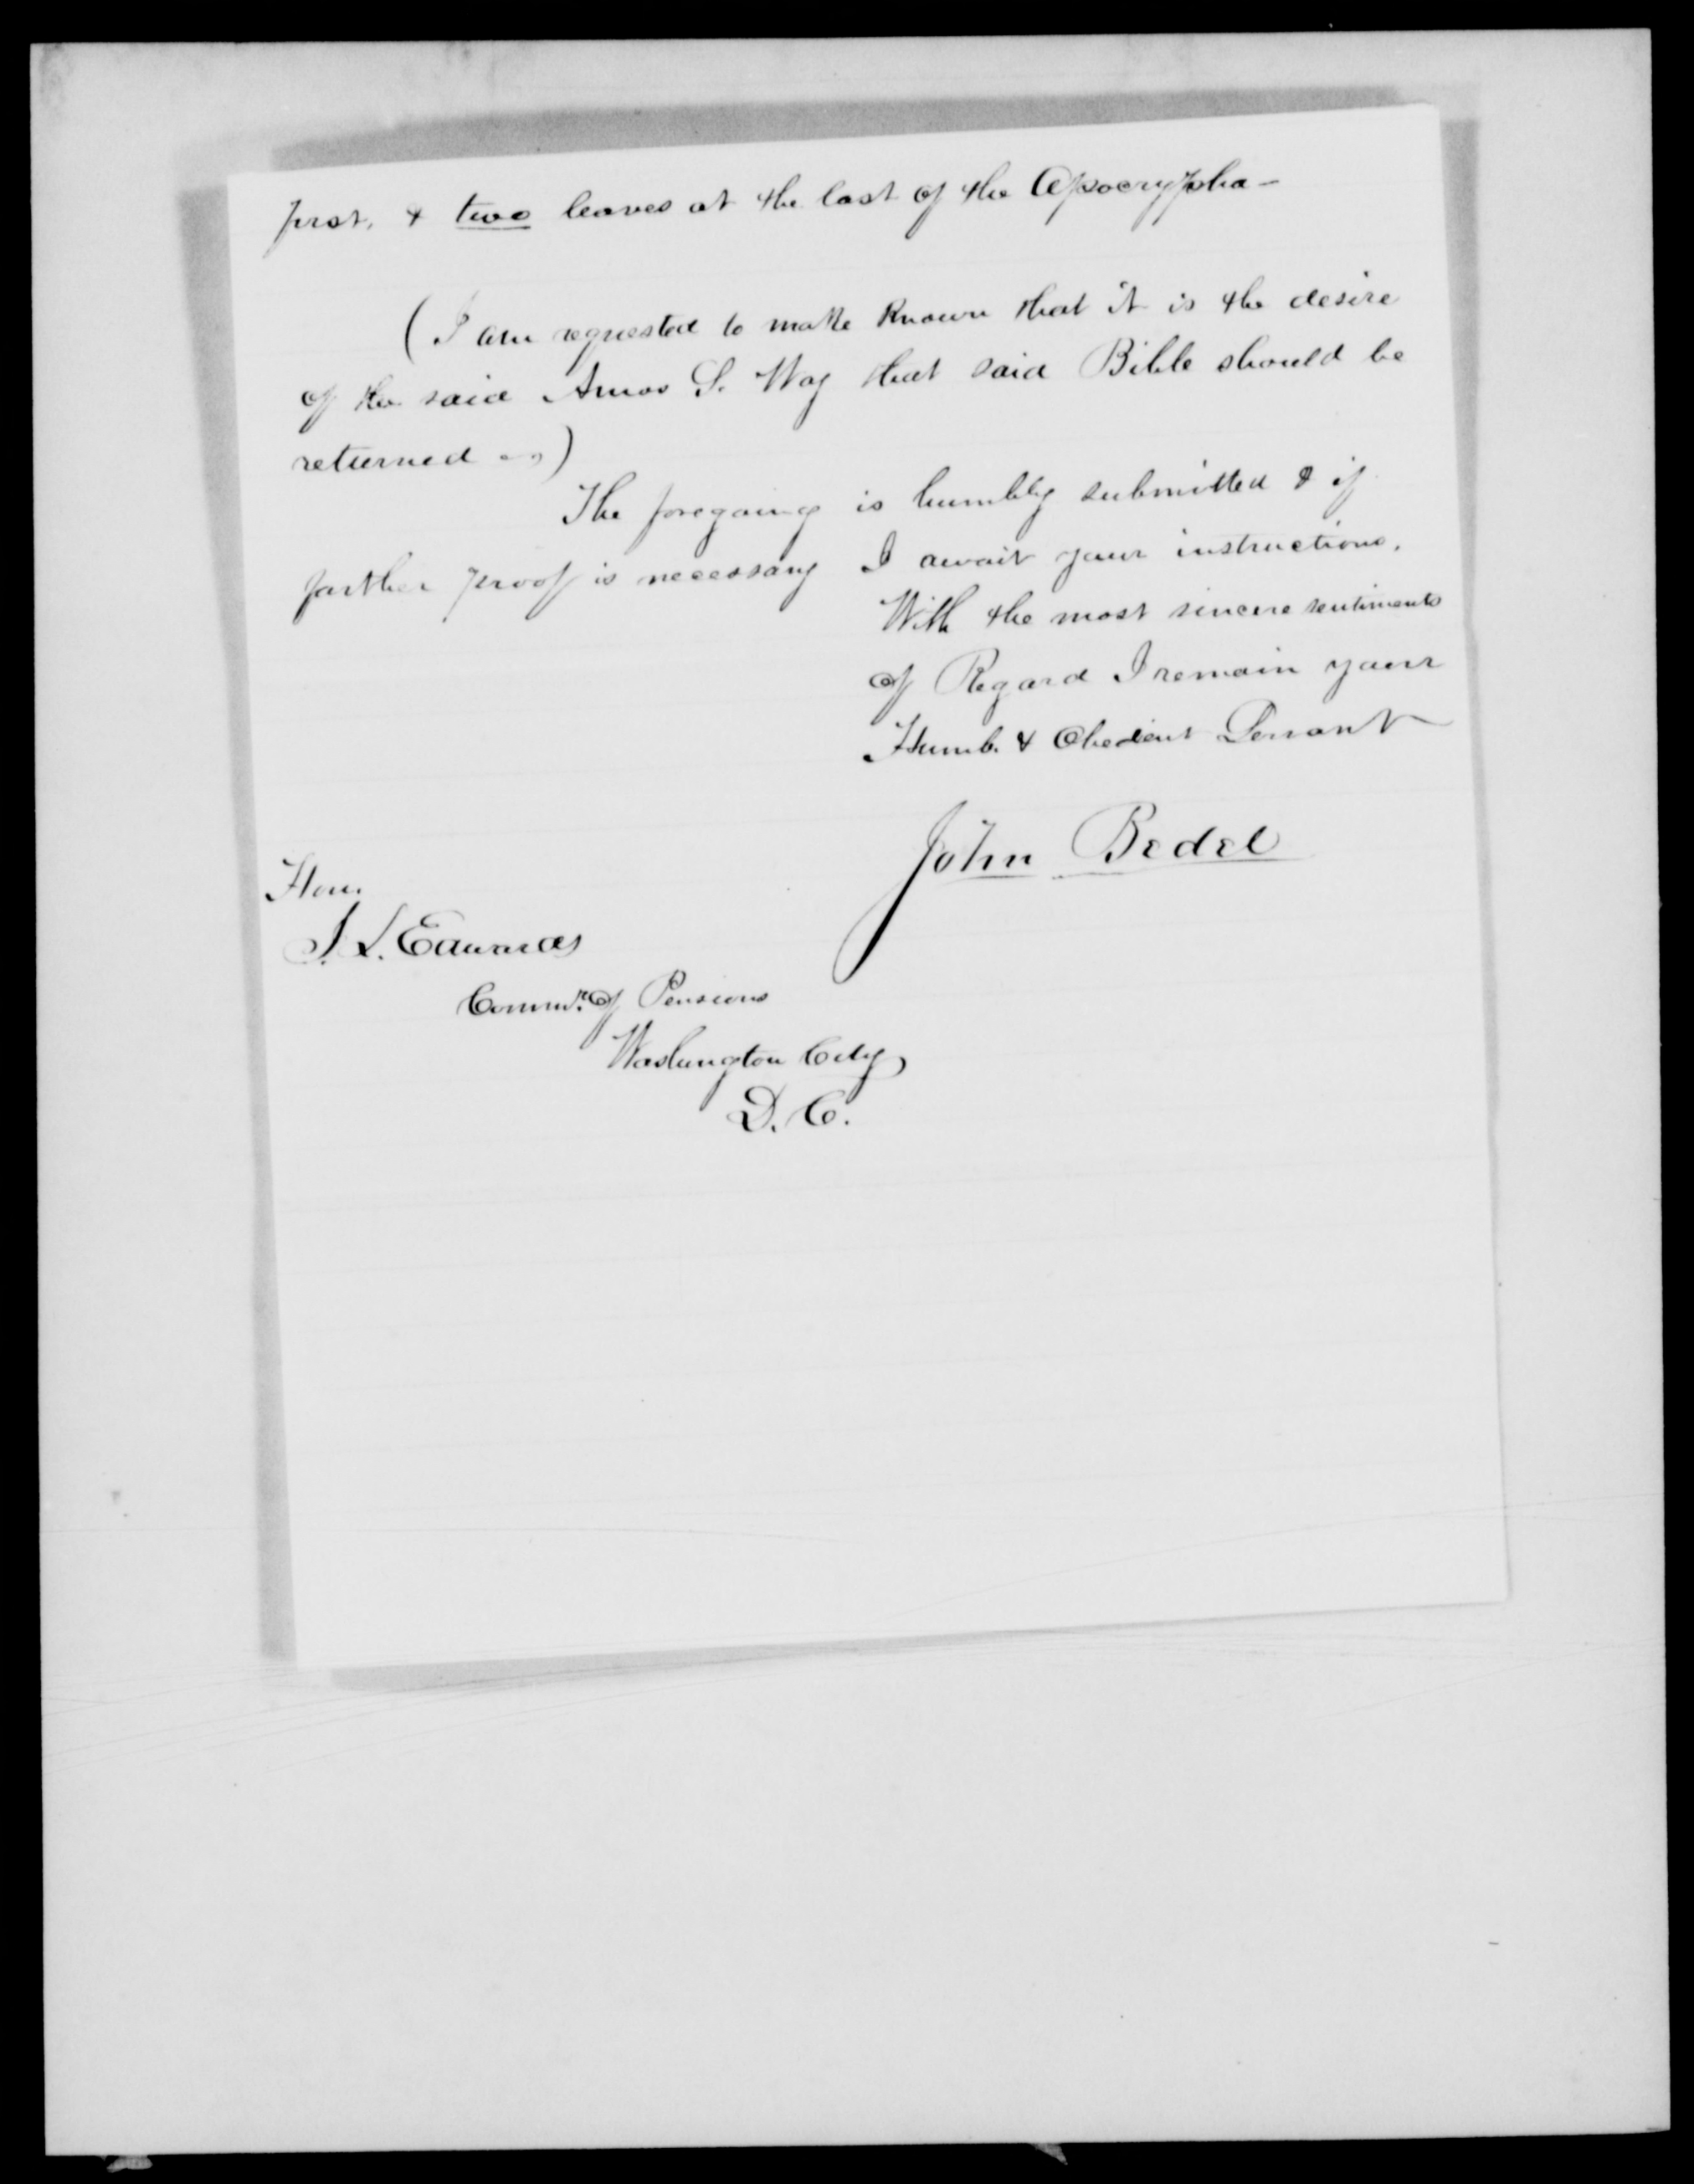first & two leaves at the last of the Apocrypha
I am requested to make known that it is the desire
of the said Amos S. Way that said Bible should be
returned -
The foregoing is humbly submitted & if
further proof is necessary I await your instructions
Will the most sincere sentiments
of Regard I remain your
Humb & Obedent Servant
John Bedell
Hon.
J L. Edwards
Commr of Pensions
Washington City
D.C.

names: J L Edwards, Amos S Way, John Bedel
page: 39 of 78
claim: widow's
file: W. 25856, Samuel Way, N.H.